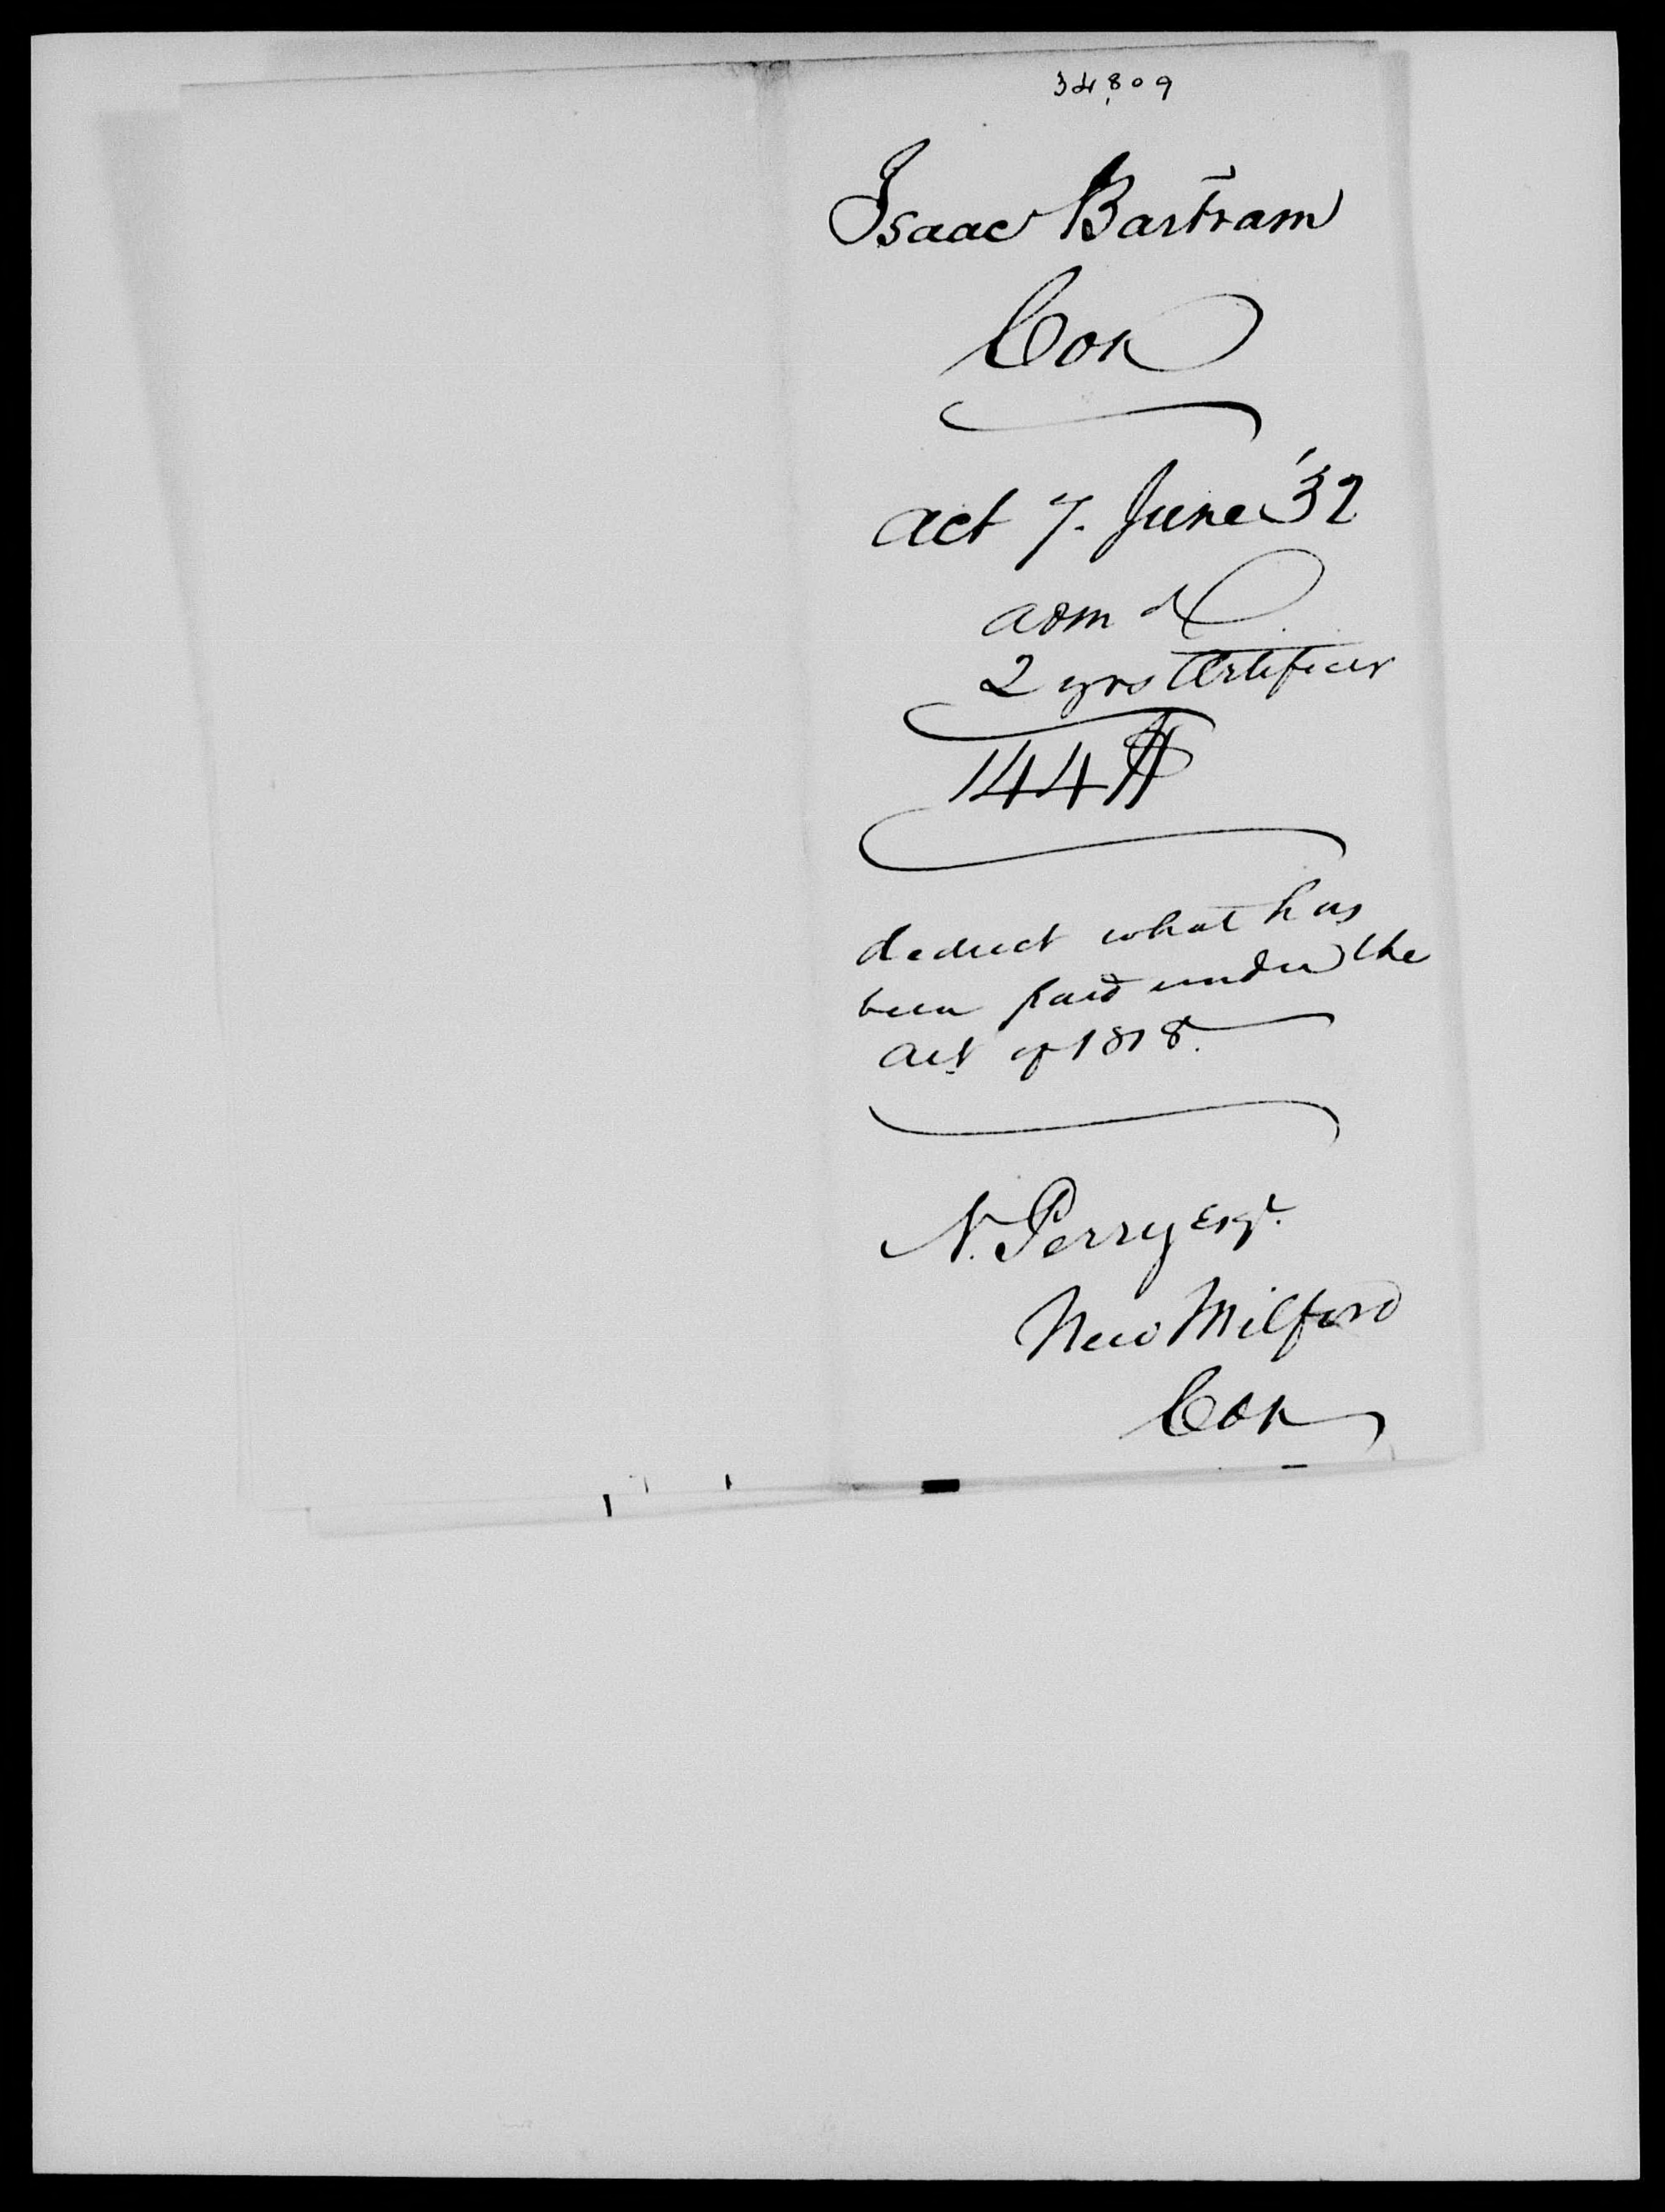34809
Isaac Bartram
Con
Act 7. June 32
Adm
2 yrs Artificer
144$
deduct what has
been paid under the
act of 1818

N. Perry, Esqr
New Milford
Con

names: N Perry, Isaac Bartram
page: 22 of 39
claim: survivor's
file: S. 12110, Isaac Bartram, Continental (Conn)